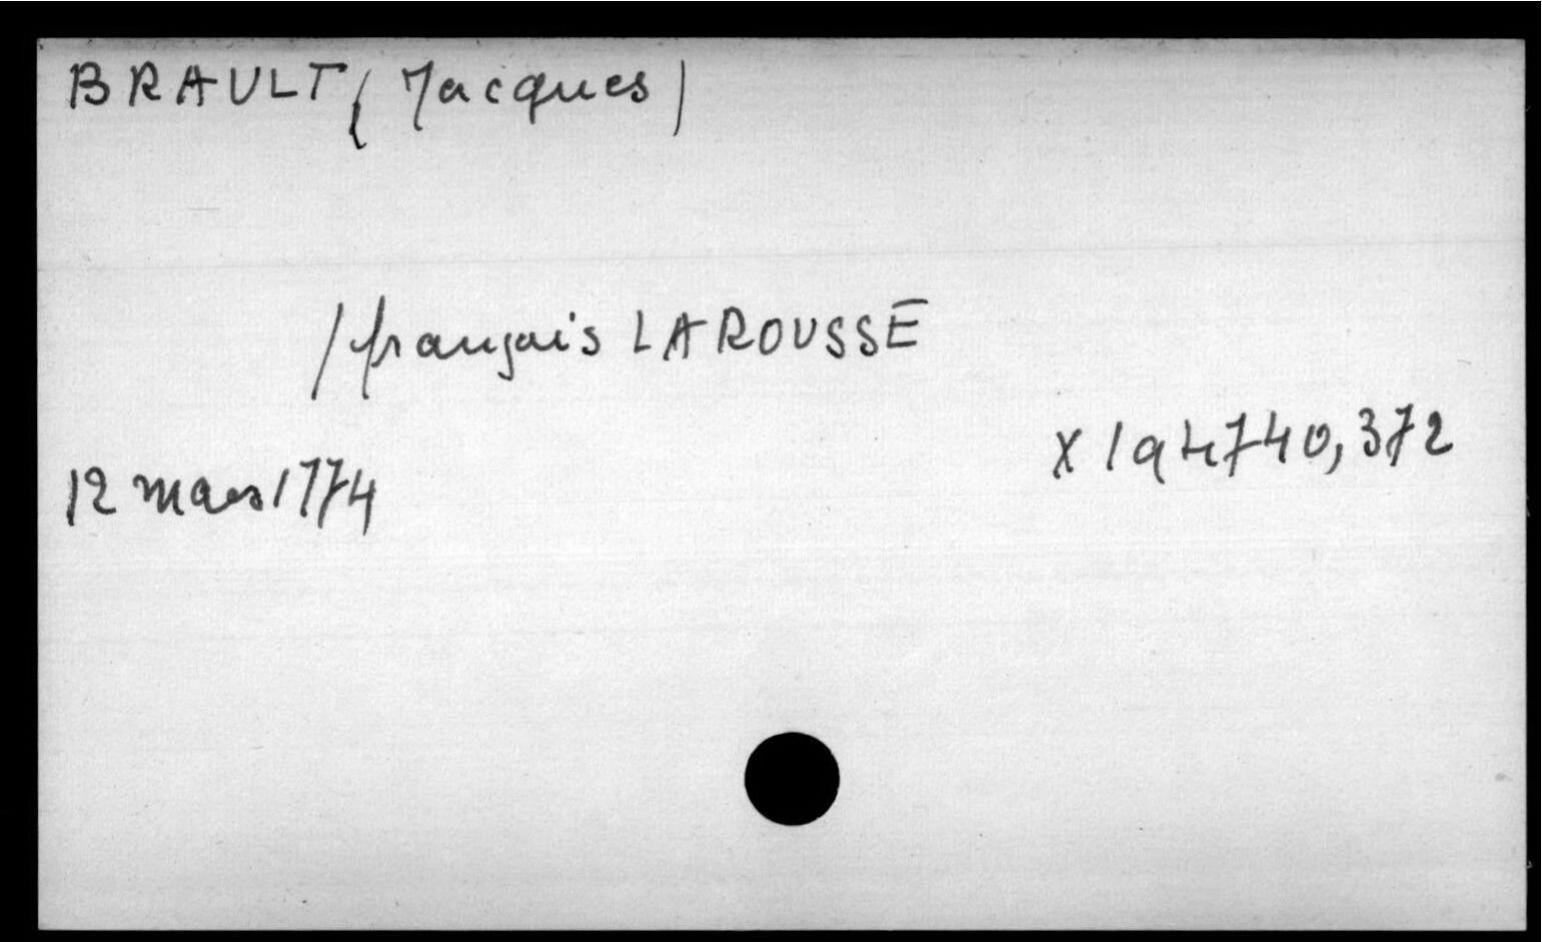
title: BRAULT (Jacques)
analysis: Contre François LAROUSSE
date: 12 mars 1774
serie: X1a
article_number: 4740
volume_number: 372
